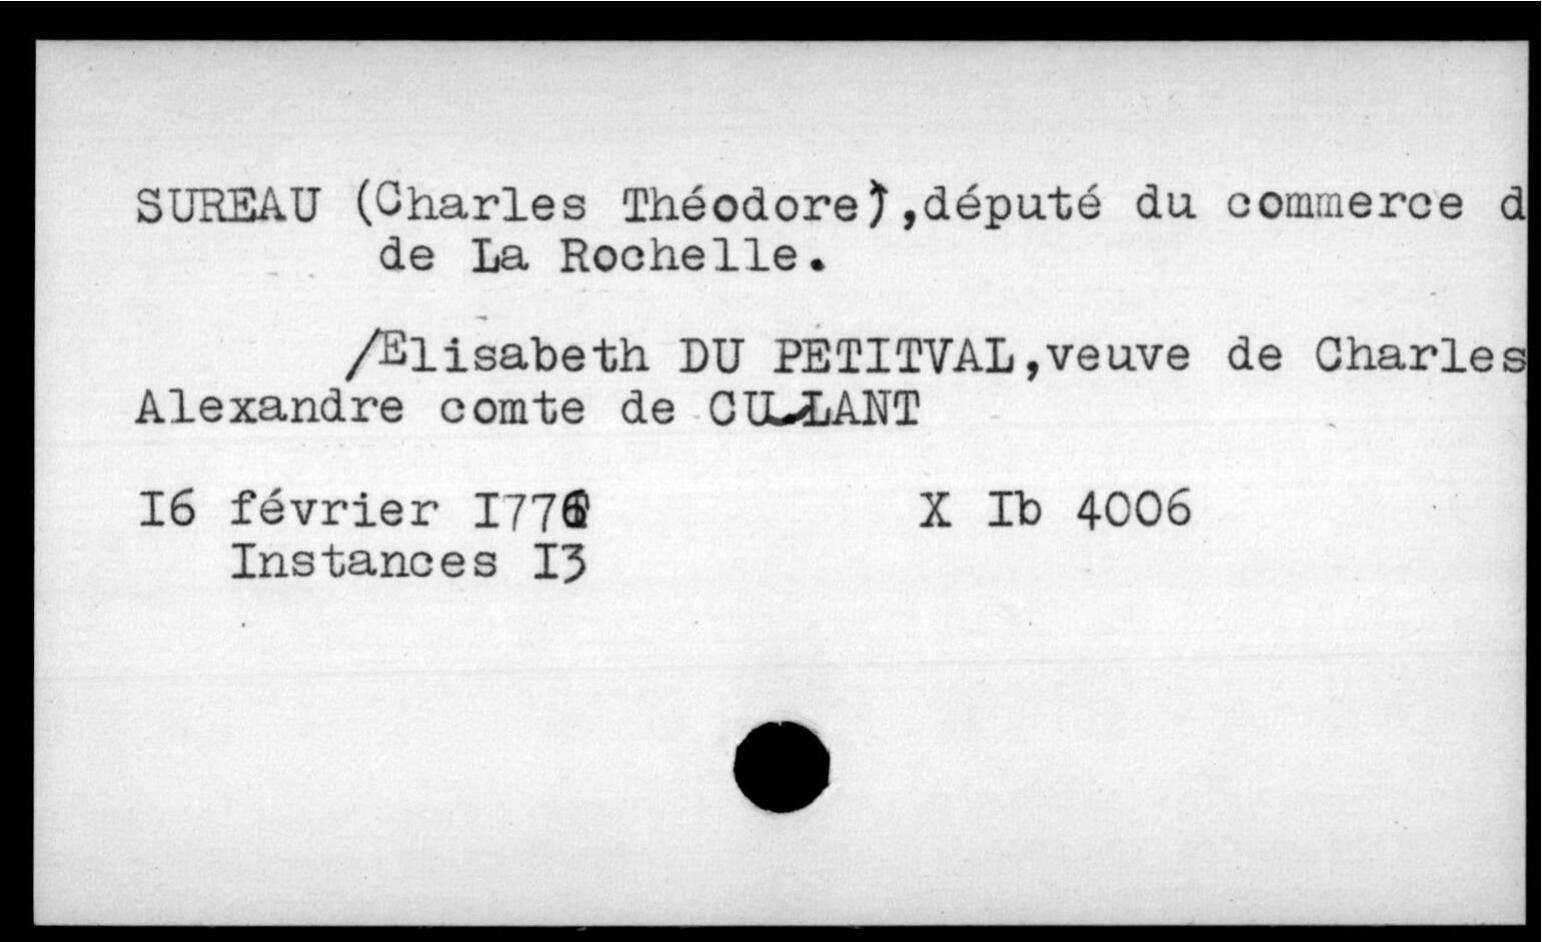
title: SUREAU (Charles Théodore), député du commerce de La Rochelle
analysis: Contre Élisabeth DU PETITVAL, veuve de Charles Alexandre comte de CULANT
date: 16 février 1776
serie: X1b
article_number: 4006
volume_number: Instances, 13
